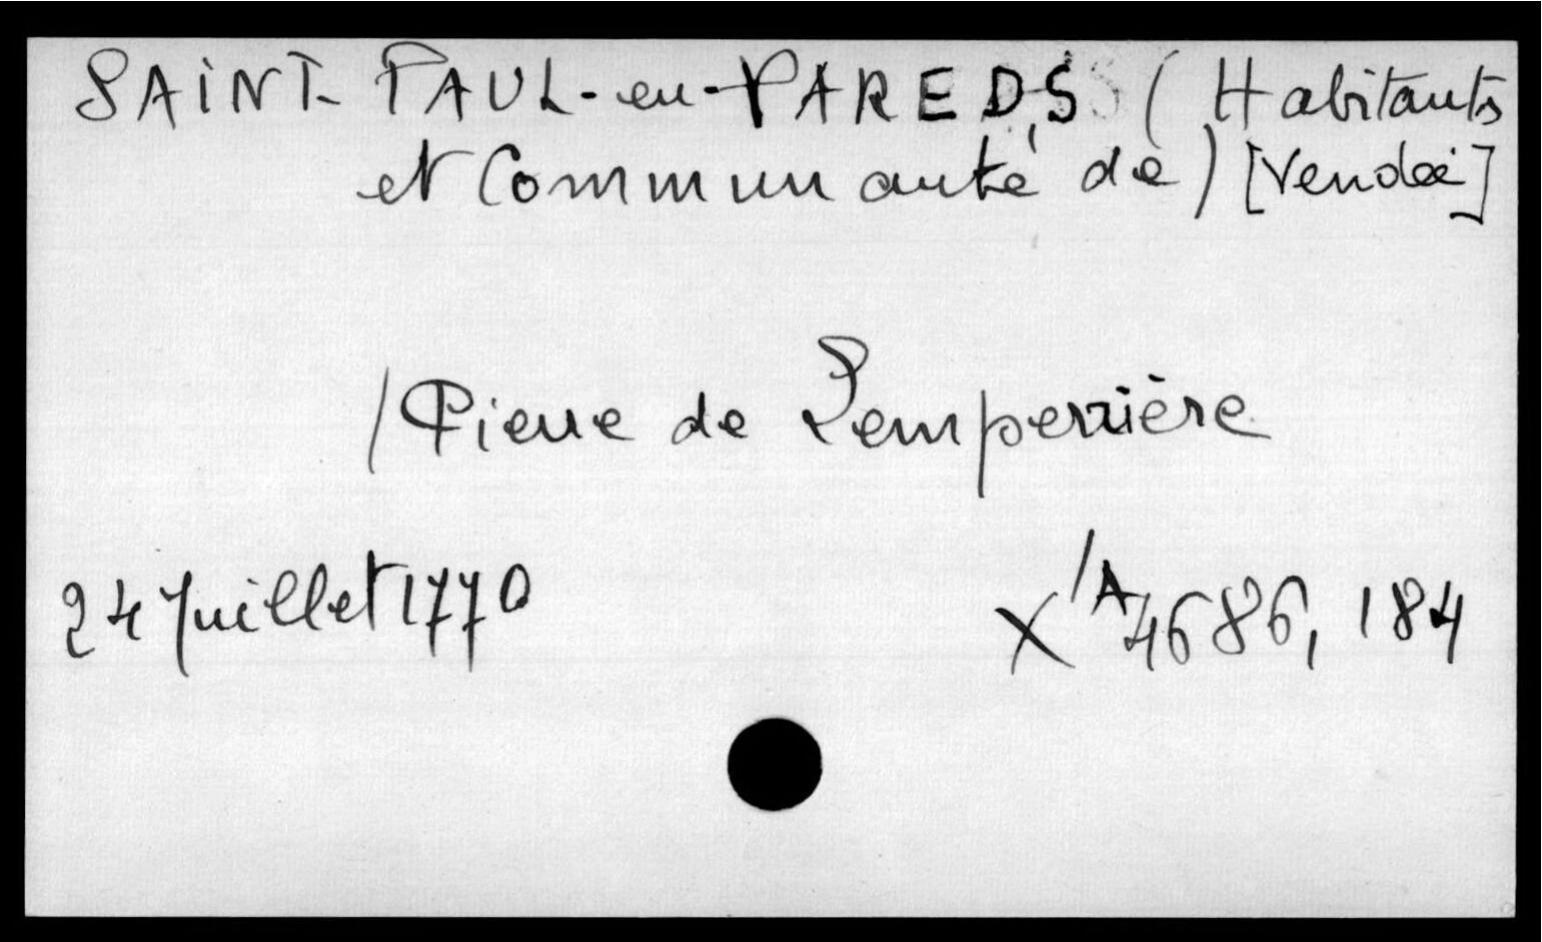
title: SAINT-PAUL-en PAREDS (Habitants et communauté de) [Vendée]
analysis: Contre Pierre de Lemperrière
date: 24 juillet 1770
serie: X1A
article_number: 4686
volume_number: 184
